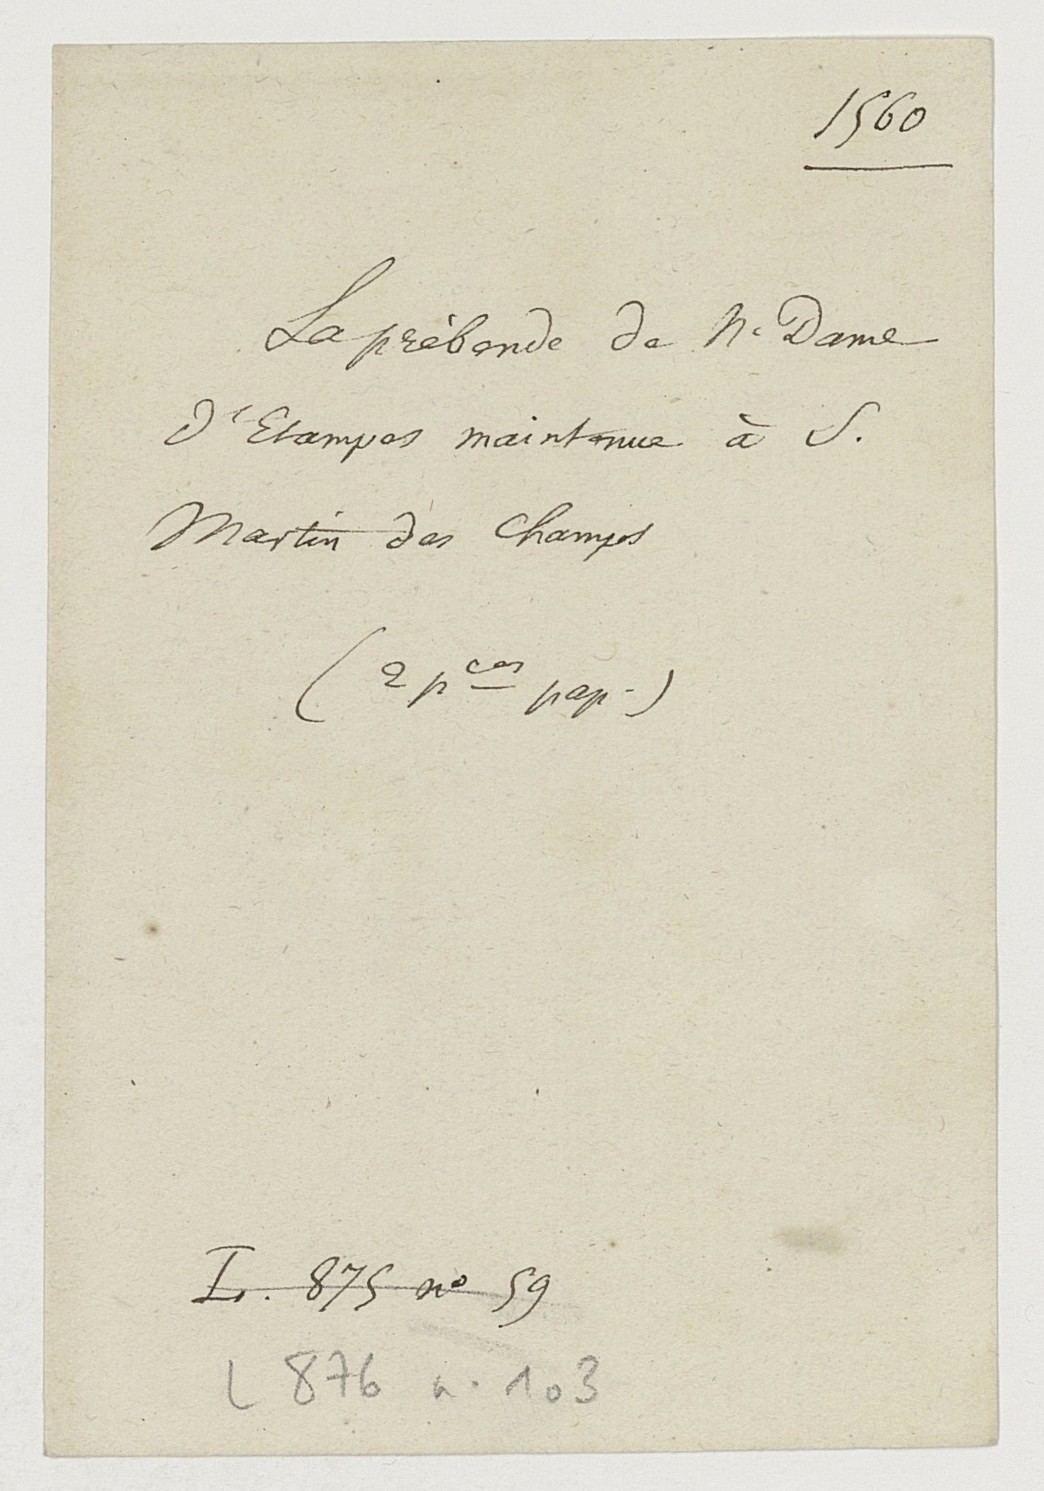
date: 1560
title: La prébende de Notre-Dame d'Etampes maintenue à Saint-Martin des Champs
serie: L
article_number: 876
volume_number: n° 103
